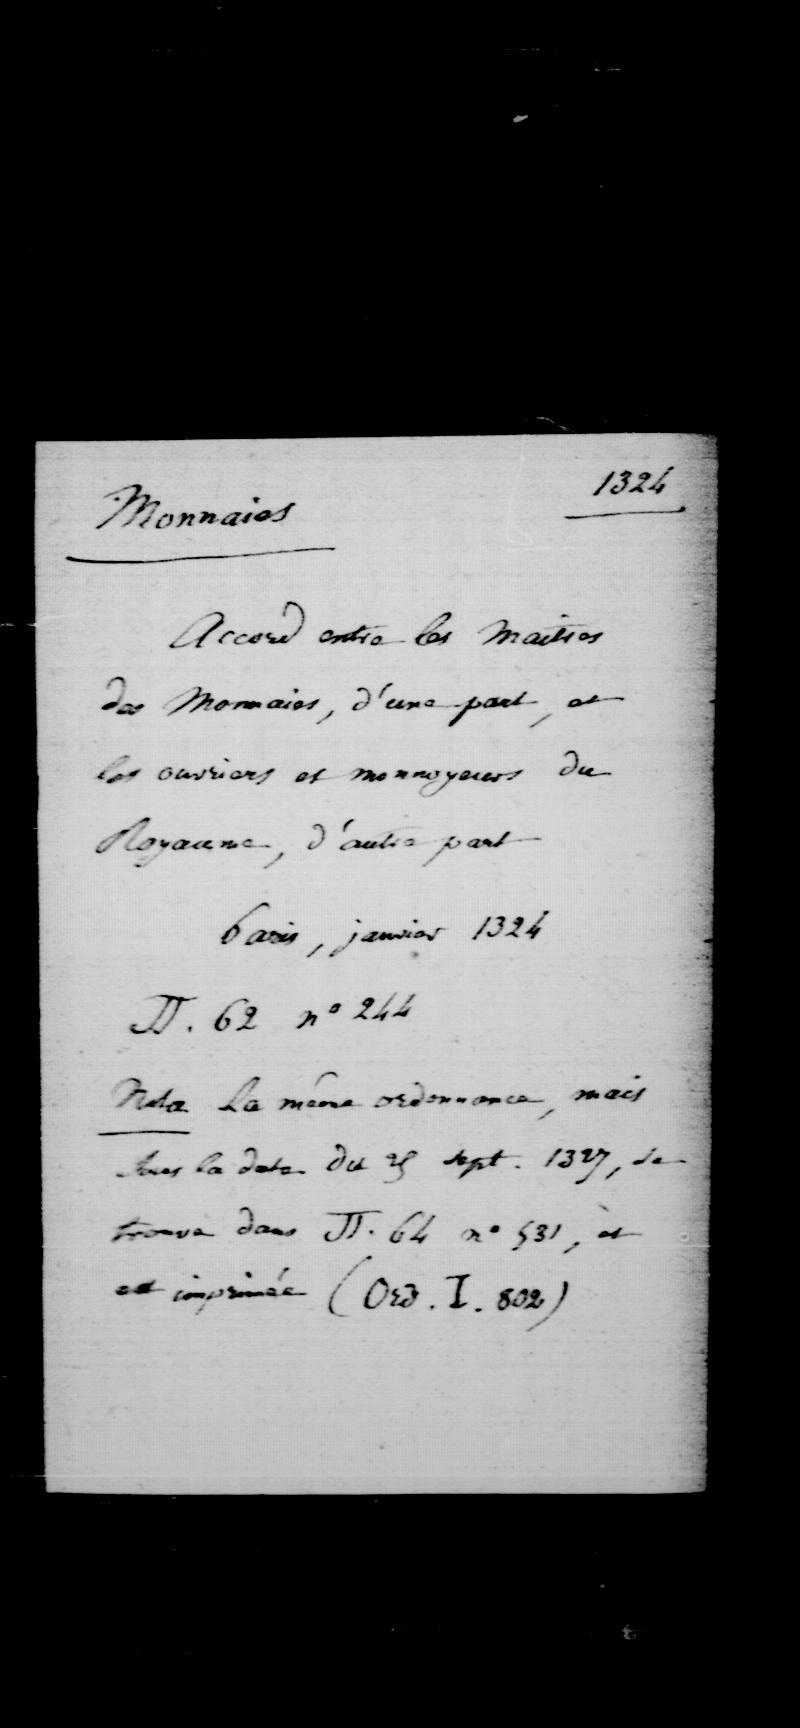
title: Monnaies
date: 1324
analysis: Accord entre les maitres
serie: JJ
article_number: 62
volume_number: n° 244
